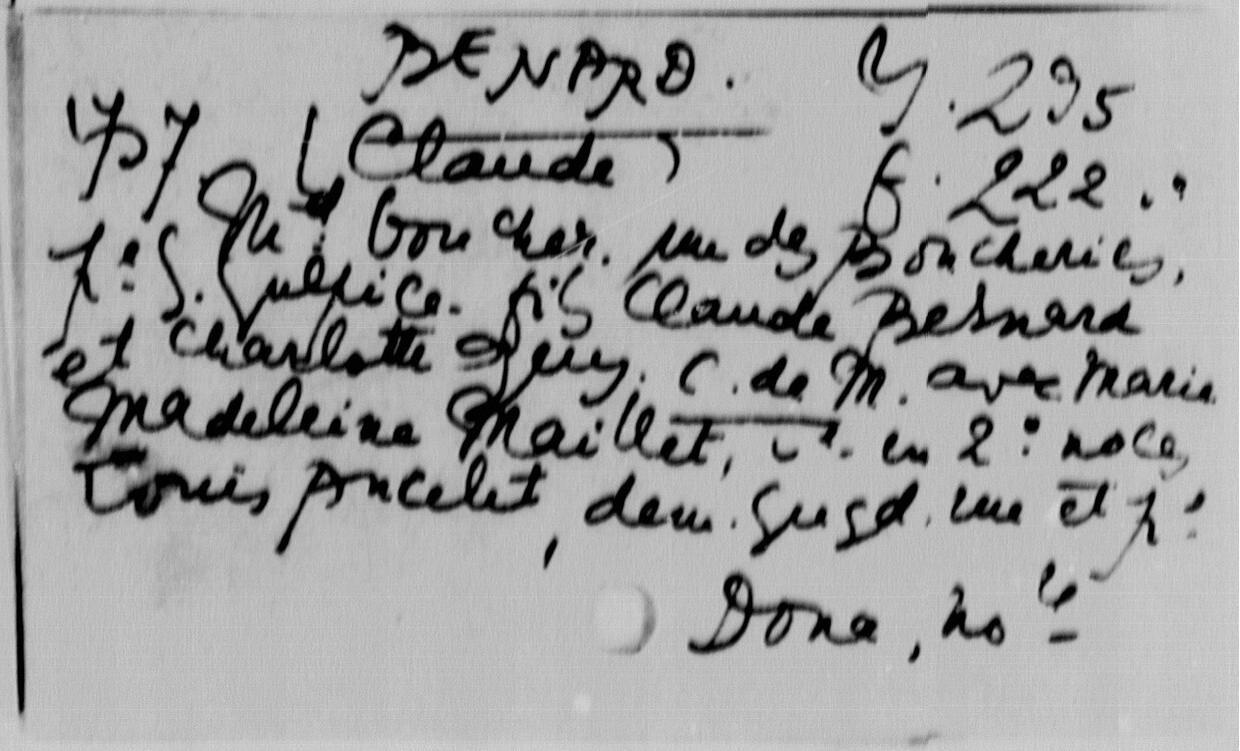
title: BENARD (Claude)
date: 1707
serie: Y
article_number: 295
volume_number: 222v
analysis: Marchand boucher, rue des Boucheries, paroisse Saint-Sulpice. Fils Claude Besnard et Charlotte Guy. Contrat de mariage avec Madeleine Maillet, veuve en seconde noce Louis Poncelet, demeurant susdites rue et paroisse. Dona, notaire.
